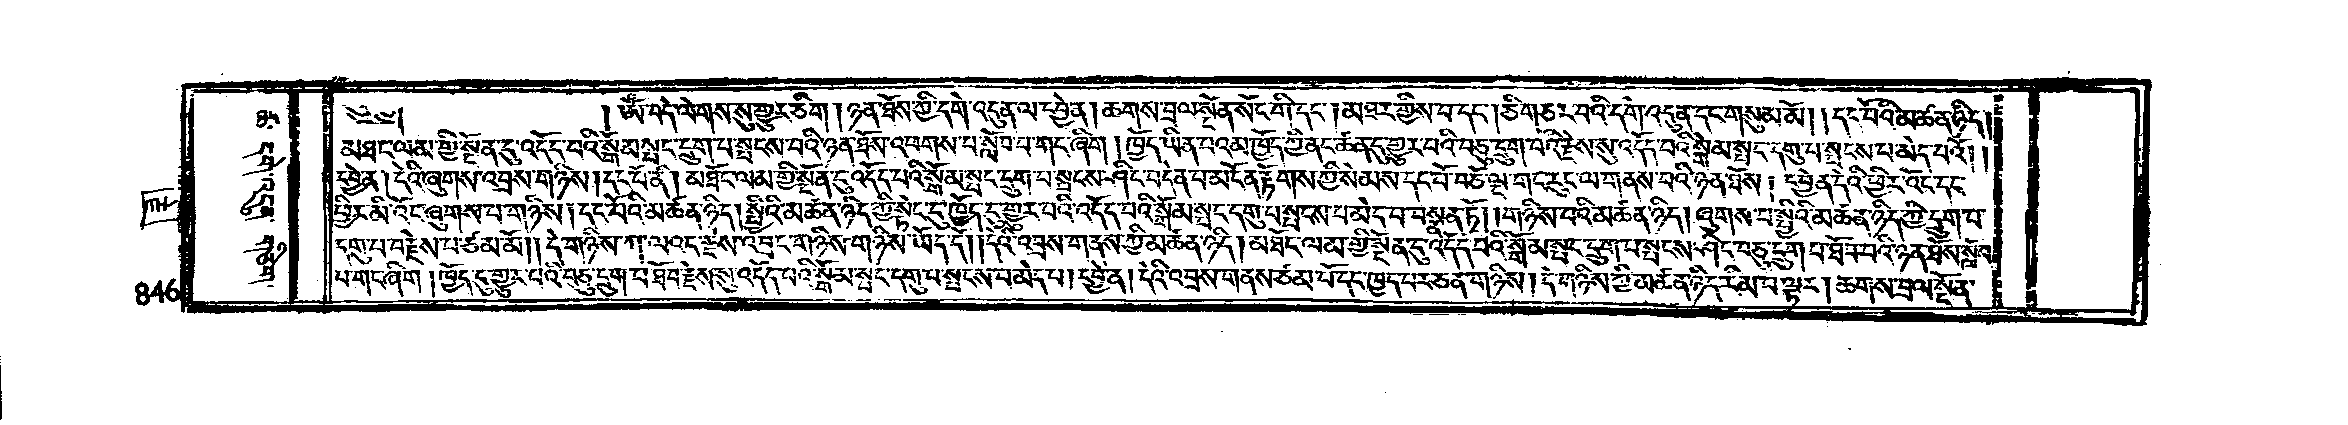༄༅། །ཨོཾ་བདེ་ལེགས་སུ་གྱུར་ཅིག །ཉན་ཐོས་ཀྱི་དགེ་འདུན་ལ་དབྱེ་ན། ཆགས་བྲལ་སྔོན་སོང་གི་དང་། མཐར་གྱིས་པ་དང་། ཅིག་ཅར་བའི་དགེ་འདུན་དང་གསུམ་མོ། །དང་པོའི་མཚན་ཉིད།
མཐོང་ལམ་གྱི་སྔོན་དུ་འདོད་པའི་སྒོམ་སྤང་དྲུག་པ་སྤངས་པའི་ཉན་ཐོས་འཕགས་པ་སློབ་པ་གང་ཞིག །ཁྱོད་ཡིན་པའམ་ཁྱོད་ཀྱི་ནང་ཚན་དུ་གྱུར་པའི་བཅུ་དྲུག་པའི་རྗེས་སུ་འདོད་པའི་སྒོམ་སྤང་དགུ་པ་སྤངས་པ་མེད་པའོ། །
དབྱེ་ན། དེའི་ཞུགས་འབྲས་གཉིས། དང་པོ་ནི། མཐོང་ལམ་གྱི་སྔོན་དུ་འདོད་པའི་སྒོམ་སྤང་དྲུག་པ་སྤངས་ཤིང་བདེན་པ་མངོན་རྟོགས་ཀྱི་སེམས་དང་པོ་བཅོ་ལྔ་གང་རུང་ལ་གནས་པའི་ཉན་ཐོས། །དབྱེ་ན་དེའི་ཕྱིར་འོང་དང་
ཕྱིར་མི་འོང་ཞུགས་པ་གཉིས། དང་པོའི་མཚན་ཉིད། སྤྱིའི་མཚན་ཉིད་ཀྱི་སྟེང་དུ་ཁྱོད་དུ་གྱུར་པའི་འདོད་པའི་སྒོམ་སྤང་དགུ་པ་སྤངས་པ་མེད་པ་བསྣན་ཏོ། །གཉིས་པའི་མཚན་ཉིད། ཞུགས་པ་སྤྱིའི་མཚན་ཉིད་ཀྱི་དྲུག་པ་
དགུ་པ་བརྗེས་པ་ཙམ་མོ། །དེ་གཉིས་ཀ་ལའང་རྗེས་འབྲང་གཉིས་གཉིས་ཡོད་དོ། །དེའི་འབྲས་གནས་ཀྱི་མཚན་ཉིད། མཐོང་ལམ་གྱི་སྔོན་དུ་འདོད་པའི་སྒོམ་སྤང་དྲུག་པ་སྤངས་ཤིང་བཅུ་དྲུག་པ་ཐོབ་པའི་ཉན་ཐོས་སློབ་
པ་གང་ཞིག །ཁྱོད་དུ་གྱུར་པའི་བཅུ་དྲུག་པ་ཐོབ་རྗེས་སུ་འདོད་པའི་སྒོམ་སྤང་དགུ་པ་སྤངས་པ་མེད་པ། དབྱེ་ན། དེའི་འབྲས་གནས་ཙམ་པོ་དང་ཁྱད་པར་ཅན་གཉིས། དེ་གཉིས་ཀྱི་མཚན་ཉིད་རིམ་པ་ལྟར། ཆགས་བྲལ་སྔོན་